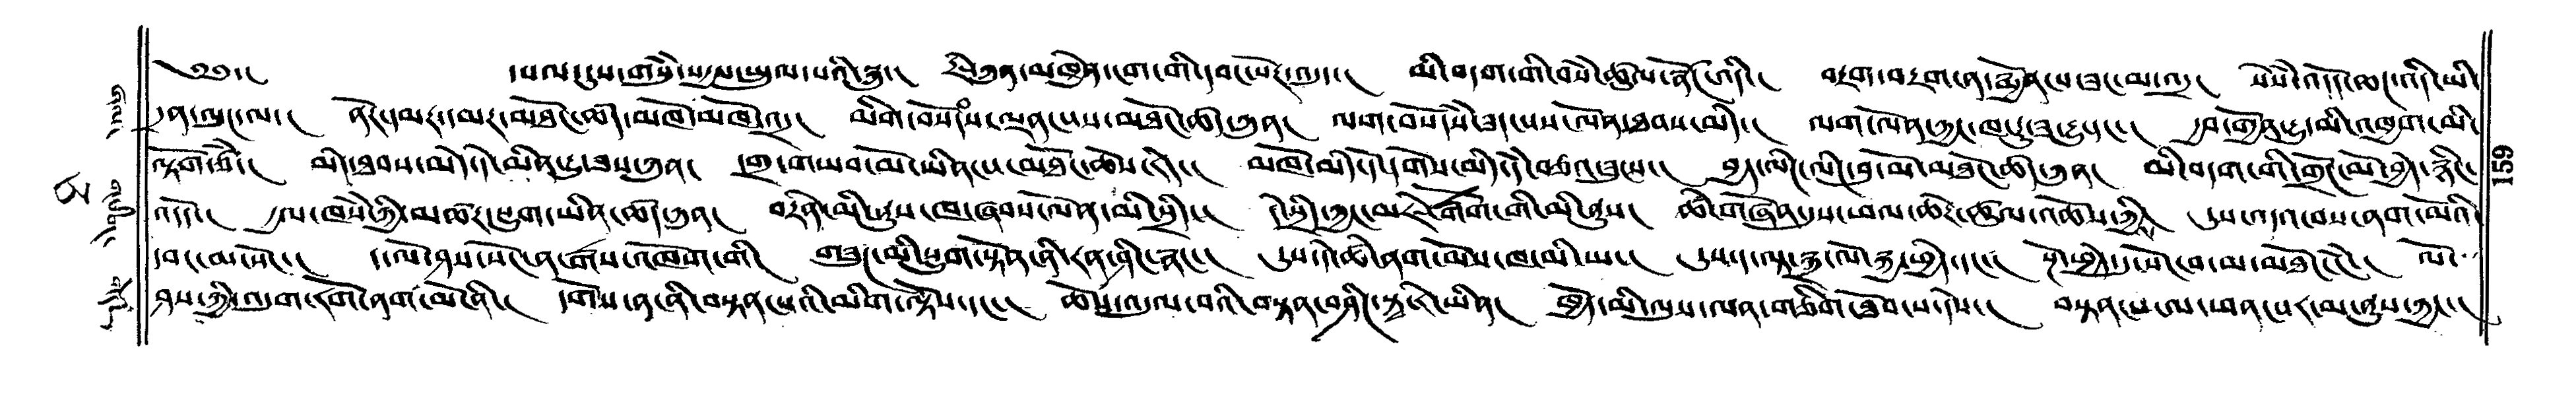༄༅། དཔལ་དུས་གསུམ་སངས་རྒྱས་སྤྲུལ་པའི་སྐུ། །རྗེ་ཀུན་མཁྱེན་ངག་གི་དབང་པོར་འདུད། །མི་བདག་གི་བསམ་ཚུལ་སྣ་ཚོགས་འདི། །བརྟགས་བརྟགས་ན་སྨྱོན་པ་བཟང་མ་འདྲ། །སེམས་འདོད་ཆགས་འདི་ཡི་
དྲན་ལུགས་ལ། །ནོར་དམར་དམར་མཐོང་ཚད་མཁོ་མཁོ་འདྲ། །མིག་བསོད་ནམས་ལྡན་པས་མཐོང་ཚད་ཀུན། །ལག་བསོད་ནམས་ཟད་པས་ལེན་ཐབས་མེད། །ལག་ལོན་ཀྱང་ཁ་རུ་ཟ་རྒྱུ་དང་། །རྒྱབ་གྱོན་རྒྱུ་མི་འཁྱག་མི་
ལྟོགས་ཙམ། མེད་ཐབས་མེད་དེ་མིན་རྒྱུ་ཟས་ཀུན། །དགྲ་གཡབ་མོ་ཡིན་པ་མཐོང་ཆོས་རེད། །མཁོ་མེད་དེ་དགོས་མེད་དམ་བཅའ་ཟུངས། །བྱད་ལེགས་ལེགས་བུ་མོ་མཐོང་ཚད་ཀུན། །མི་བདག་གི་གྲོགས་མོ་བྱེད་སྙིང་
འདོད། །རྒྱལ་ཁམས་ཀྱི་མཚར་སྡུག་ཡིན་ཚད་ཀུན། །བསྟེན་མི་ནུས་ཁ་ཞབས་ལོན་མི་སྲིད། །དེ་སྲིད་ཀྱང་མཇེ་གོག་གིས་མི་ནུས། །ཚེ་གཞོན་དུས་ཕལ་ཆེར་ཚུལ་འཆོས་ཀྱི། །དུས་འདས་བས་ནག་མོ་
དབང་མ་སོང། །ད་ལོ་ཤས་སོང་ན་རྒས་འཁོག་གི །གཟུགས་མི་སྡུག་སྟོན་ནི་རན་ཤིང་སྣང་། །དུས་དེ་ཚེ་ནག་མོས་ཁ་མི་ཡ། །དུས་ད་ལྟ་སྐྲ་ལོ་སྐྱ་ཕྱེད་དང་། སྔོ་ཕྱེད་དུ་སོང་བ་མ་མཐོང་ངམ། །ལོ་
ཤས་ཀྱི་འདུག་རོགས་ནག་མོ་ནི། །དགོས་ན་ནི་བསྟན་པའི་མིག་ལྟོས་དང་། །ཆོས་འདུལ་བའི་བསྟན་བཤིག་སྟྭ་རེ་ཡིན། ཁྱེད་མི་ལུས་ལན་གཅིག་ཐོབ་པ་དེས། །བསྟན་པ་ལ་ཕན་པར་མ་ནུས་ཀྱང་། །